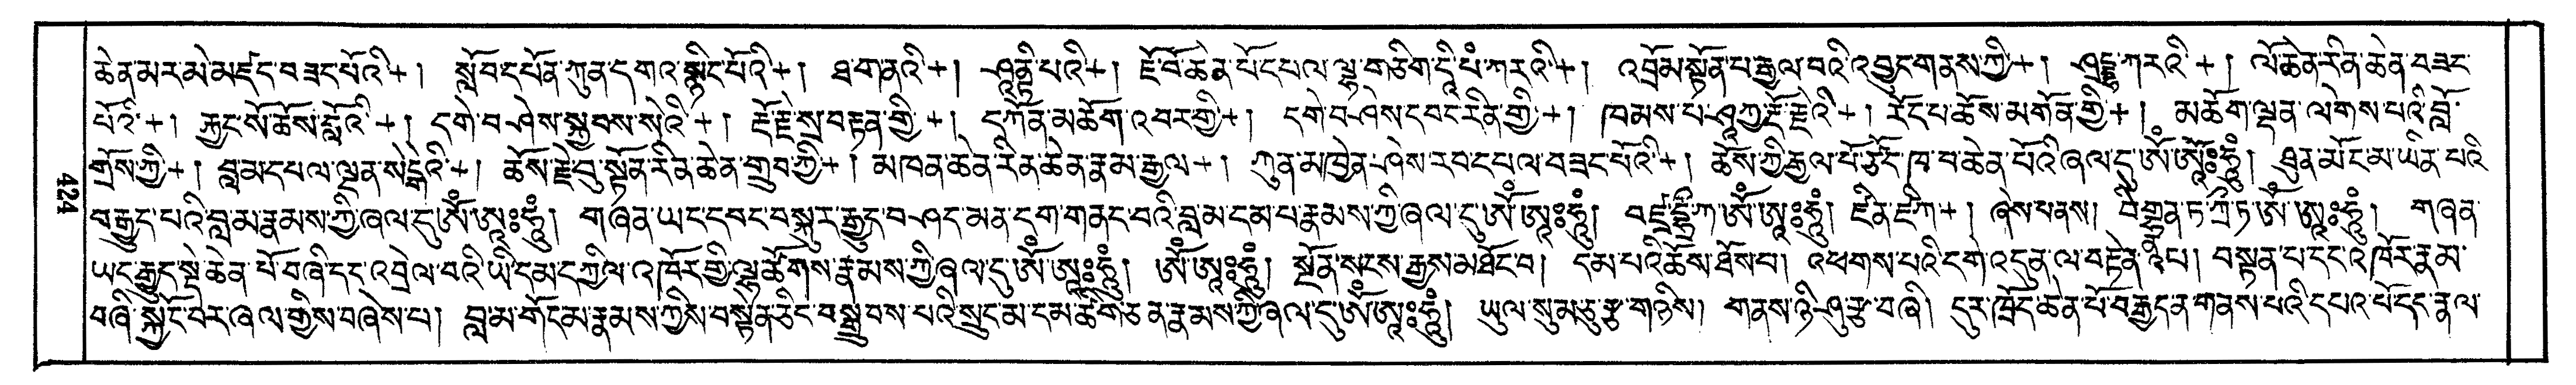ཆེན་མར་མེ་མཛད་བཟང་པོའི་+། སློབ་དཔོན་ཀུན་དགའ་སྙིང་པོའི་+། ཐ་ག་ནའི་+། ཤཱནྟི་པའི་+། ཇོ་བོ་ཆེན་པོ་དཔལ་ལྷ་གཅིག་འདི་པཾ་ཀ་རའི་+། འབྲོམ་སྟོན་པ་རྒྱལ་བའི་འབྱུང་གནས་ཀྱི་+། ཤྲདྡྷ་ཀ་རའི་+། ལོ་ཆེན་རིན་ཆེན་བཟང་
པོའི་+། རྐྱང་སོ་ཆོས་བློའི་+། དགེ་བཤེས་སྐྱབས་སེའི་+། རྡོ་རྗེ་སྲ་བརྟན་གྱི་+། དཀོན་མཆོག་འབར་གྱི་+། དགེ་བཤེས་དབང་རིན་གྱི་+། ཁམས་པ་ཤཱཀྱ་རྡོ་རྗེའི་+། རོང་པ་ཆོས་མགོན་གྱི་+། མཆོག་ལྡན་ལེགས་པའི་བློ་
གྲོས་ཀྱི་+། བླ་མ་དཔལ་ལྡན་སེངྒེའི་+། ཆོས་རྗེ་བུ་སྟོན་རིན་ཆེན་གྲུབ་ཀྱི་+། མཁན་ཆེན་རིན་ཆེན་རྣམ་རྒྱལ་+། ཀུན་མཁྱེར་ཤེས་རབ་དཔལ་བཟང་པོའི་+། ཆོས་ཀྱི་རྒྱལ་པོ་ཙོང་ཁ་པ་ཆེན་པོའི་ཞལ་དུ་ཨོཾ་ཨཱཿ ཧཱུཾ། ཐུན་མོང་མ་ཡིན་པའི་
བརྒྱུད་པའི་བླ་མ་རྣམས་ཀྱི་ཞལ་དུ་ཨོཾ་ཨཱཿ ཧཱུཾ། གཞན་ཡང་དབང་བསྐུར་རྒྱུད་བཤད་མན་ངག་གནང་བའི་བླ་མ་དམ་པ་རྣམས་ཀྱི་ཞལ་དུ་ཨོཾ་ཨཱཿ ཧཱུཾ། བཛྲ་དྷྲྀ་ཀ་ཨོཾ་ཨཱཿ ཧཱུཾ། ཛི་ན་ཛི་ཀ་+། ཞེས་པ་ནས། བིགྷྣཱན་ཏ་ཀྲྀ་ཏ་ཨོཾ་ཨཱཿ ཧཱུཾ། གཞན་
ཡང་རྒྱུད་སྡེ་ཆེན་པོ་བཞི་དང་འབྲེལ་བའི་ཡི་དམ་དཀྱིལ་འཁོར་གྱི་ལྷ་ཚོགས་རྣམས་ཀྱི་ཞལ་དུ་ཨོཾ་ཨཱཿ ཧཱུཾ། ཨོཾ་ཨཱཿ ཧཱུཾ། སྔོན་སངས་རྒྱས་མཐོང་བ། དམ་པའི་ཆོས་ཐོས་པ། འཕགས་པའི་དགེ་འདུན་ལ་བརྟེན་པ། བསྟན་པ་དང་འཁོར་རྣམ་
བཞི་སྐྱོང་བར་ཞལ་གྱིས་བཞེས་པ། བླ་མ་གོང་མ་རྣམས་ཀྱིས་བསྟེན་ཅིང་བསྒྲུབས་པའི་སྲུང་མ་དམ་ཚིག་ཅན་རྣམས་ཀྱི་ཞལ་དུ་ཨོཾ་ཨཱཿ ཧཱུཾ། ཡུལ་སུམ་ཅུ་རྩ་གཉིས། གནས་ཉི་ཤུ་རྩ་བཞི། དུར་ཁྲོད་ཆེན་པོ་བརྒྱད་ན་གནས་པའི་དཔའ་བོ་དང་རྣལ་